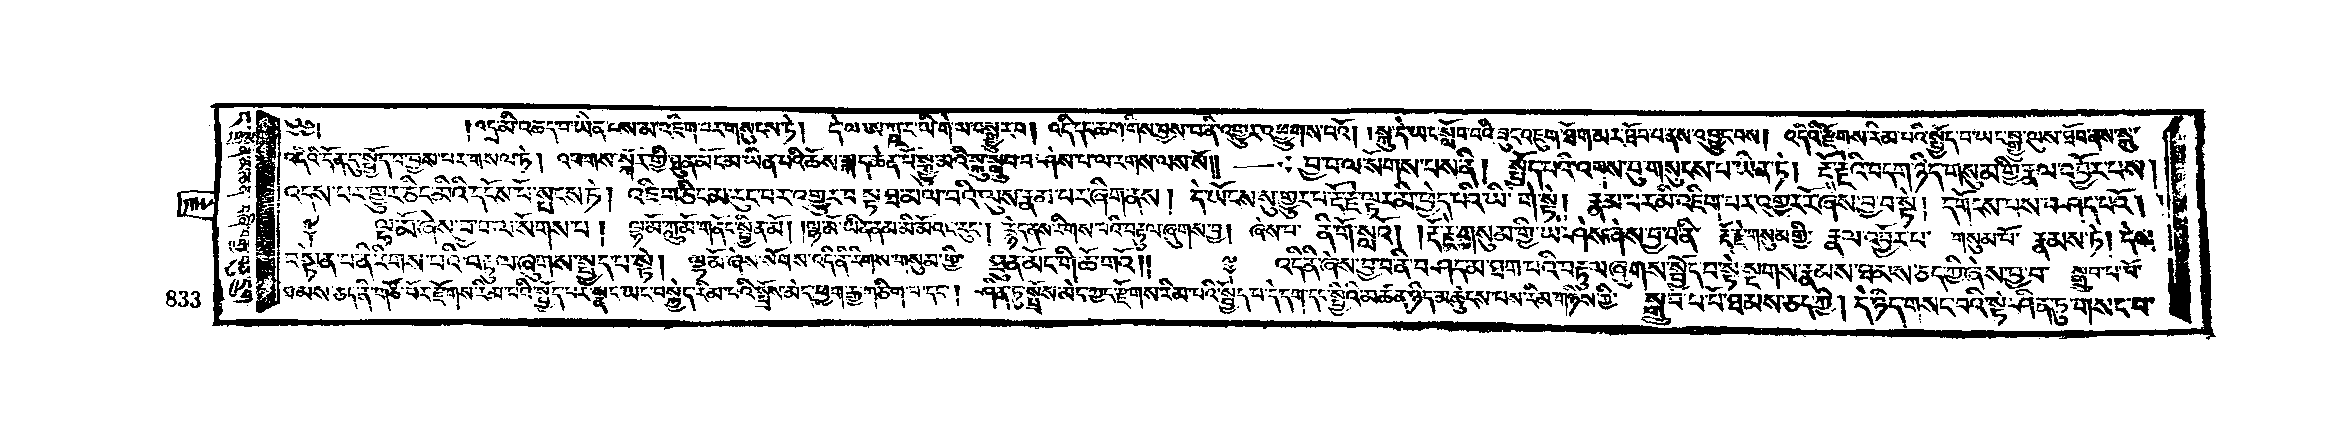༄༅། །འདྲ་མི་འཆད་པ་ཡིན་པས་མ་འཇིག་པར་གསུངས་ཏེ། དེ་ལ་ཨ་ཀྵར་ཡི་གེ་ལ་བསྒྱུར་བ། འདི་དང་ཆག་གིས་ཀྱས་པ་ནི་འགྱུར་འཕྱུགས་པའོ། །སྐུ་དེ་ཡང་སློབ་པའི་ཟུང་འཇུག་ཐོག་མར་ཐོབ་པ་ནས་འབྱུང་བས། འདིའི་རྫོགས་རིམ་པའི་སྤྱོད་པ་ཡང་སྒྱུ་ལུས་ཐོབ་ནས་སྐུ་
འདིའི་དོན་དུ་སྤྱོད་པ་བྱས་པར་གསལ་ཏེ། འཕགས་སྐོར་གྱི་ཐུན་མོང་མ་ཡིན་པའི་ཆོས་སྐད་ཆེན་པོ་སྒྱུ་མའི་སྐུ་སྒྲུབ་པ་ཤེས་པ་ལ་རགས་ལས་སོ།། .H བྱ་བ་ལ་སོགས་པས་ནི། སྤྱོད་པའི་འབྲས་བུ་གསུངས་པ་ཡིན་ཏེ། རྡོ་རྗེའི་བདག་ཉིད་གསུམ་གྱི་རྣལ་འབྱོར་པས།
འདས་པར་གྱུར་ཅིང་མིའི་དངོས་པོ་སྤངས་ཏེ། འཇིག་ཅིང་མ་རུང་བར་འགྱུར་བ་སྟ་ཐ་མལ་པའི་ལུས་རྣམ་པར་ཞིག་ནས། དེ་ཡོངས་སུ་གྱུར་པ་རྡོ་རྗེ་ལྟར་མི་ཕྱེད་པའི་ཡི་གེ་སྟེ། རྣམ་པར་མི་འཇིག་པར་འགྱུར་རོ་ཞེས་བྱ་བ་སྟེ། དགོངས་པས་བཤད་པའོ། །
༈ ལྷ་མོ་ཞེས་བྱ་བ་ལ་སོགས་པ། ལྷ་མོ་ཀླུ་མོ་གནོད་སྦྱིན་མོ། །ལྷ་མོ་ཡིན་ནམ་མི་མོའང་རུང་། རྙེད་ནས་རིགས་པའི་བརྟུལ་ཞུགས་བྱ། ཞེས་པ་ནི་གོ་སླའོ། །རྡོ་རྗེ་གསུམ་གྱི་ཡེ་ཤེས་ཞེས་བྱ་བ་ནི་རྡོ་རྗེ་གསུམ་གྱི་རྣལ་འབྱོར་པ་གསུམ་པོ་རྣམས་ཏེ། དེས་
བསྟེན་པ་ནི་རིགས་པའི་བརྟུལ་ཞུགས་སྤྱད་པ་སྟེ། ལྷ་མོ་ཞེས་སོགས་འདི་ནི་རིགས་གསུམ་གྱི་ཐུན་མོང་གི་ཆོ་གའོ།། ༈ འདི་ནི་ཞེས་བྱ་བ་ནི་བཤད་མ་ཐག་པའི་བརྟུལ་ཞུགས་སྤྱོད་པ་སྟེ་སྔགས་རྣམས་ཐམས་ཅད་ཀྱི་ཞེས་བྱ་བ་སྒྲུབ་པ་པོ་
ཐམས་ཅད་ནི་གཙོ་བོར་རྫོགས་རིམ་པའི་སྤྱོད་པར་སྣང་ཡང་བསྐྱེད་རིམ་པའི་སྤྲོས་མེད་ཕྱག་རྒྱ་གཅིག་པ་དང་། ཤིན་ཏུ་སྤྲོས་མེད་ཀྱང་རྫོགས་རིམ་པའི་སྤྱོད་པ་དེ་དག་དང་སྤྱིའི་མཚན་ཉིད་མཚུངས་པས་རིམ་གཉིས་ཀྱི་སྒྲུབ་པ་པོ་ཐམས་ཅད་ཀྱི། དེ་ཉིད་གསང་བའི་སྟེ་ཤིན་ཏུ་གསང་བ་